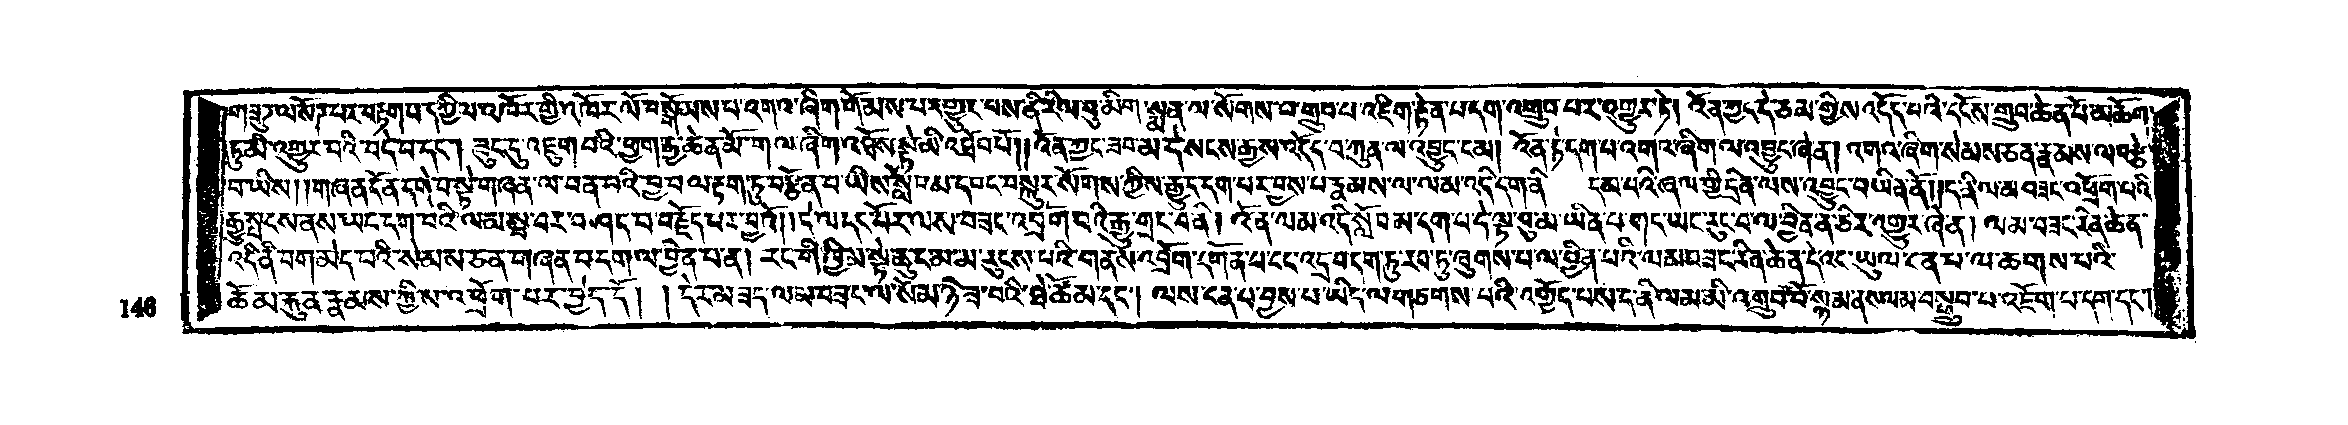གཟུགས་ལ་སོགས་པར་བརྟག་པ་དཀྱིལ་འཁོར་གྱི་འཁོར་ལོ་བསྒོམས་པ་འགའ་ཞིག་གོམས་པར་གྱུར་པས་ནི་རིལ་བུ་མིག་སྨན་ལ་སོགས་པ་གྲུབ་པ་འཇིག་རྟེན་པ་དག་འགྲུབ་པར་འགྱུར་ཏེ། འོན་ཀྱང་དེ་ཙམ་གྱིས་འདོད་པའི་དངོས་གྲུབ་ཆེན་པོ་མཆོག་
ཏུ་མི་འགྱུར་བའི་བདེ་བ་དང་། ཟུང་དུ་འཇུག་པའི་ཕྱག་རྒྱ་ཆེན་མོ་ག་ལ་ཞིག་འཐོབ་སྟེ་མི་འཐོབ་བོ། །འོན་ཀྱང་ལ་ཟབ་མོ་དེ་སངས་རྒྱས་འདོད་བ་ཀུན་ལ་འབྱུང་ངམ། འོན་ཏེ་དག་པ་འགའ་ཞིག་ལ་འབྱུང་ཞེ་ན། འགའ་ཞིག་སེམས་ཅན་རྣམས་ལ་བརྩེ་
བ་ཡིས། །གཞན་དོན་དགེ་བ་སྟེ་གཞན་ལ་ཕན་པའི་བྱ་བ་ལ་རྟག་ཏུ་བརྩོན་པ་ཡིས་སློབ་མ་དབང་བསྐུར་སོགས་ཀྱིས་རྒྱུད་དག་པར་བྱས་པ་རྣམས་ལ་ལམ་འདི་དག་ནི་བླ་མ་དམ་པའི་ཞལ་གྱི་དྲིན་ལས་འབྱུང་བ་ཡིན་ནོ། །ད་ནི་ལམ་བཟང་འཕྲོག་པའི་
རྒྱུ་སྤངས་ནས་ཡང་དག་པའི་ལམ་སྦ་བར་བཤད་པ་བརྗོད་པར་བྱའོ། །དེ་ལ་དང་པོར་ལམ་བཟང་འཕྲོག་པའི་རྒྱུ་སྤང་བ་ནི། འོ་ན་ལམ་འདི་སློབ་མ་དག་པ་དེ་ལྟ་བུ་མ་ཡིན་པ་གང་ཡང་རུང་བ་ལ་བྱིན་ན་ཅིར་འགྱུར་ཞེ་ན། ལམ་བཟང་རིན་ཆེན་
འདི་ནི་བག་མེད་པའི་སེམས་ཅན་གཞན་པ་དག་ལ་བྱིན་པ་ན། རང་གི་ཁྱིམ་སྟེ་ཆུང་མ་མ་རུངས་པའི་གནས་འབྲོག་དགོན་པ་དང་འདྲ་བ་དག་ཏུ་རབ་ཏུ་ཞུགས་པ་ལ་བྱིན་པའི་ལམ་བཟང་རིན་ཆེན་དེའང་ཡུལ་ངན་པ་ལ་ཆགས་པའི་
ཆོམ་རྐུན་རྣམས་ཀྱིས་འཕྲོག་པར་བྱེད་དོ། །དེར་མ་ཟད་ལམ་བཟང་ལ་སོམ་ཉི་ཟ་བའི་ཐེ་ཚོམ་དང་། ལས་ངན་པ་བྱས་པ་ཡིད་ལ་གཅགས་པའི་འགྱོད་པས་ད་ནི་ལམ་མི་འགྲུབ་བོ་སྙམ་ནས་ལམ་བསྒྲུབ་པ་འཇོག་པ་དག་དང་།